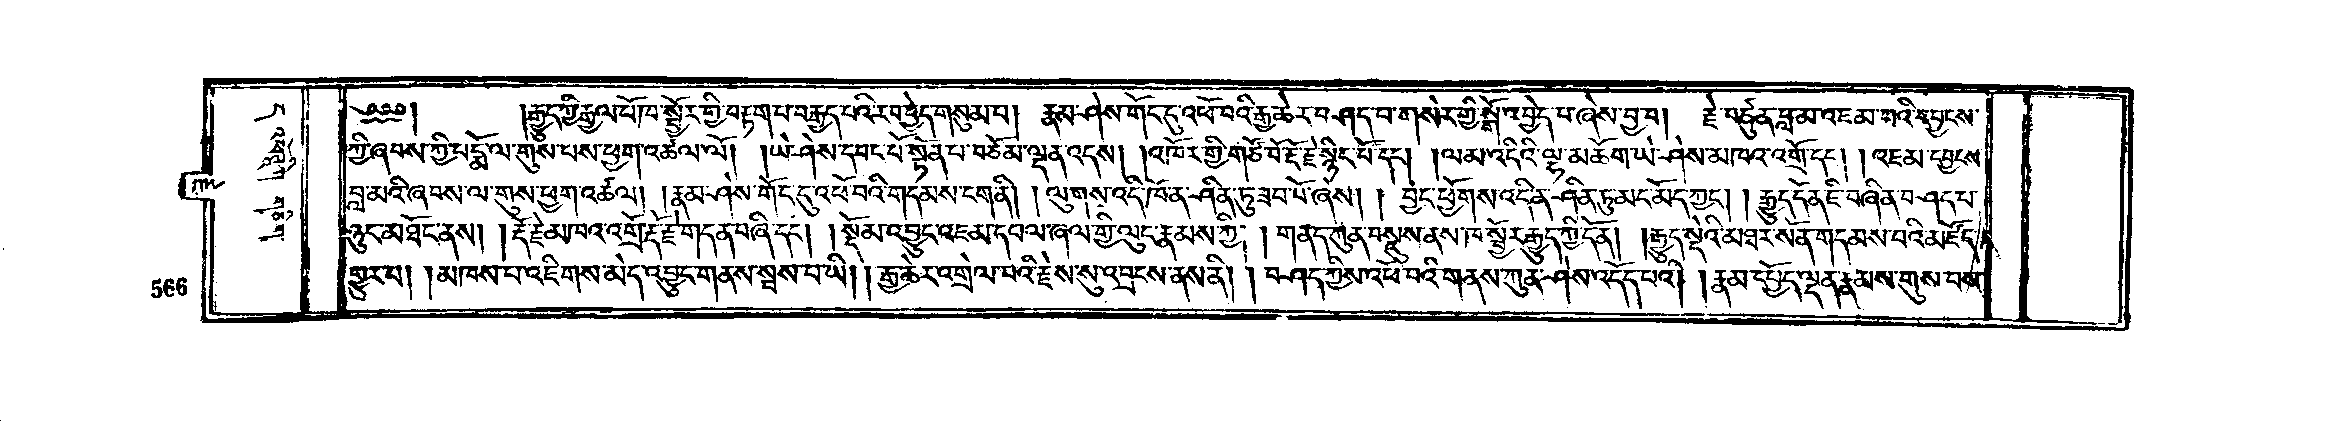༄༅༅། །རྒྱུད་ཀྱི་རྒྱལ་པོ་ཁ་སྦྱོར་གྱི་བརྟག་པ་བརྒྱད་པའི་རབ་བྱེད་གསུམ་པ། རྣམ་ཤེས་གོང་དུ་འཕོ་བའི་རྒྱ་ཆེར་བཤད་པ་གསེར་གྱི་སྒོ་འབྱེད་པ་ཞེས་བྱ་བ། རྗེ་བཙུན་བླ་མ་འཇམ་པའི་དབྱངས་
ཀྱི་ཞབས་ཀྱི་པདམོ་ལ་གུས་པས་ཕྱག་འཚལ་ལོ། །ཡེ་ཤེས་དབང་པོ་སྟོན་པ་བཅོམ་ལྡན་འདས། །འཁོར་གྱི་གཙོ་བོ་རྡོ་རྗེ་སྙིང་པོ་དང་། །ལམ་འདིའི་ལྷ་མཆོག་ཡེ་ཤེས་མཁའ་འགྲོ་དང་། །འཇམ་དབྱངས་
བླ་མའི་ཞབས་ལ་གུས་ཕྱག་འཚལ། །རྣམ་ཤེས་གོང་དུ་འཕོ་བའི་གདམས་ངག་ནི། །ལུགས་འདི་ཁོ་ན་ཤིན་ཏུ་ཟབ་པོ་ཞེས། །བྱང་ཕྱོགས་འདི་ན་ཤིན་ཏུ་མང་མོད་ཀྱང་། །རྒྱུད་དོན་ཇི་བཞིན་བཤད་པ་
ཉུང་མཐོང་ནས། །རྡོ་རྗེ་མཁའ་འགྲོ་རྡོ་རྗེ་གདན་བཞི་དང་། །སྡོམ་འབྱུང་འཇམ་དཔལ་ཞལ་གྱི་ལུང་རྣམས་ཀྱི། །གནད་ཀུན་བསྡུས་ནས་ཁ་སྦྱོར་རྒྱུད་ཀྱི་དོན། །རྒྱུད་སྡེའི་མཐར་སོན་གདམས་པའི་མཛོད་
གྱུར་པ། །མཁས་པ་འཇིགས་མེད་འབྱུང་གནས་སྦས་པ་ཡི། །རྒྱ་ཆེར་འགྲེལ་པའི་རྗེས་སུ་འབྲངས་ནས་ནི། །བཤད་ཀྱིས་འཕོ་བའི་གནས་ཀུན་ཤེས་འདོད་པའི། །རྣམ་དཔྱོད་ལྡན་རྣམས་གུས་པས་